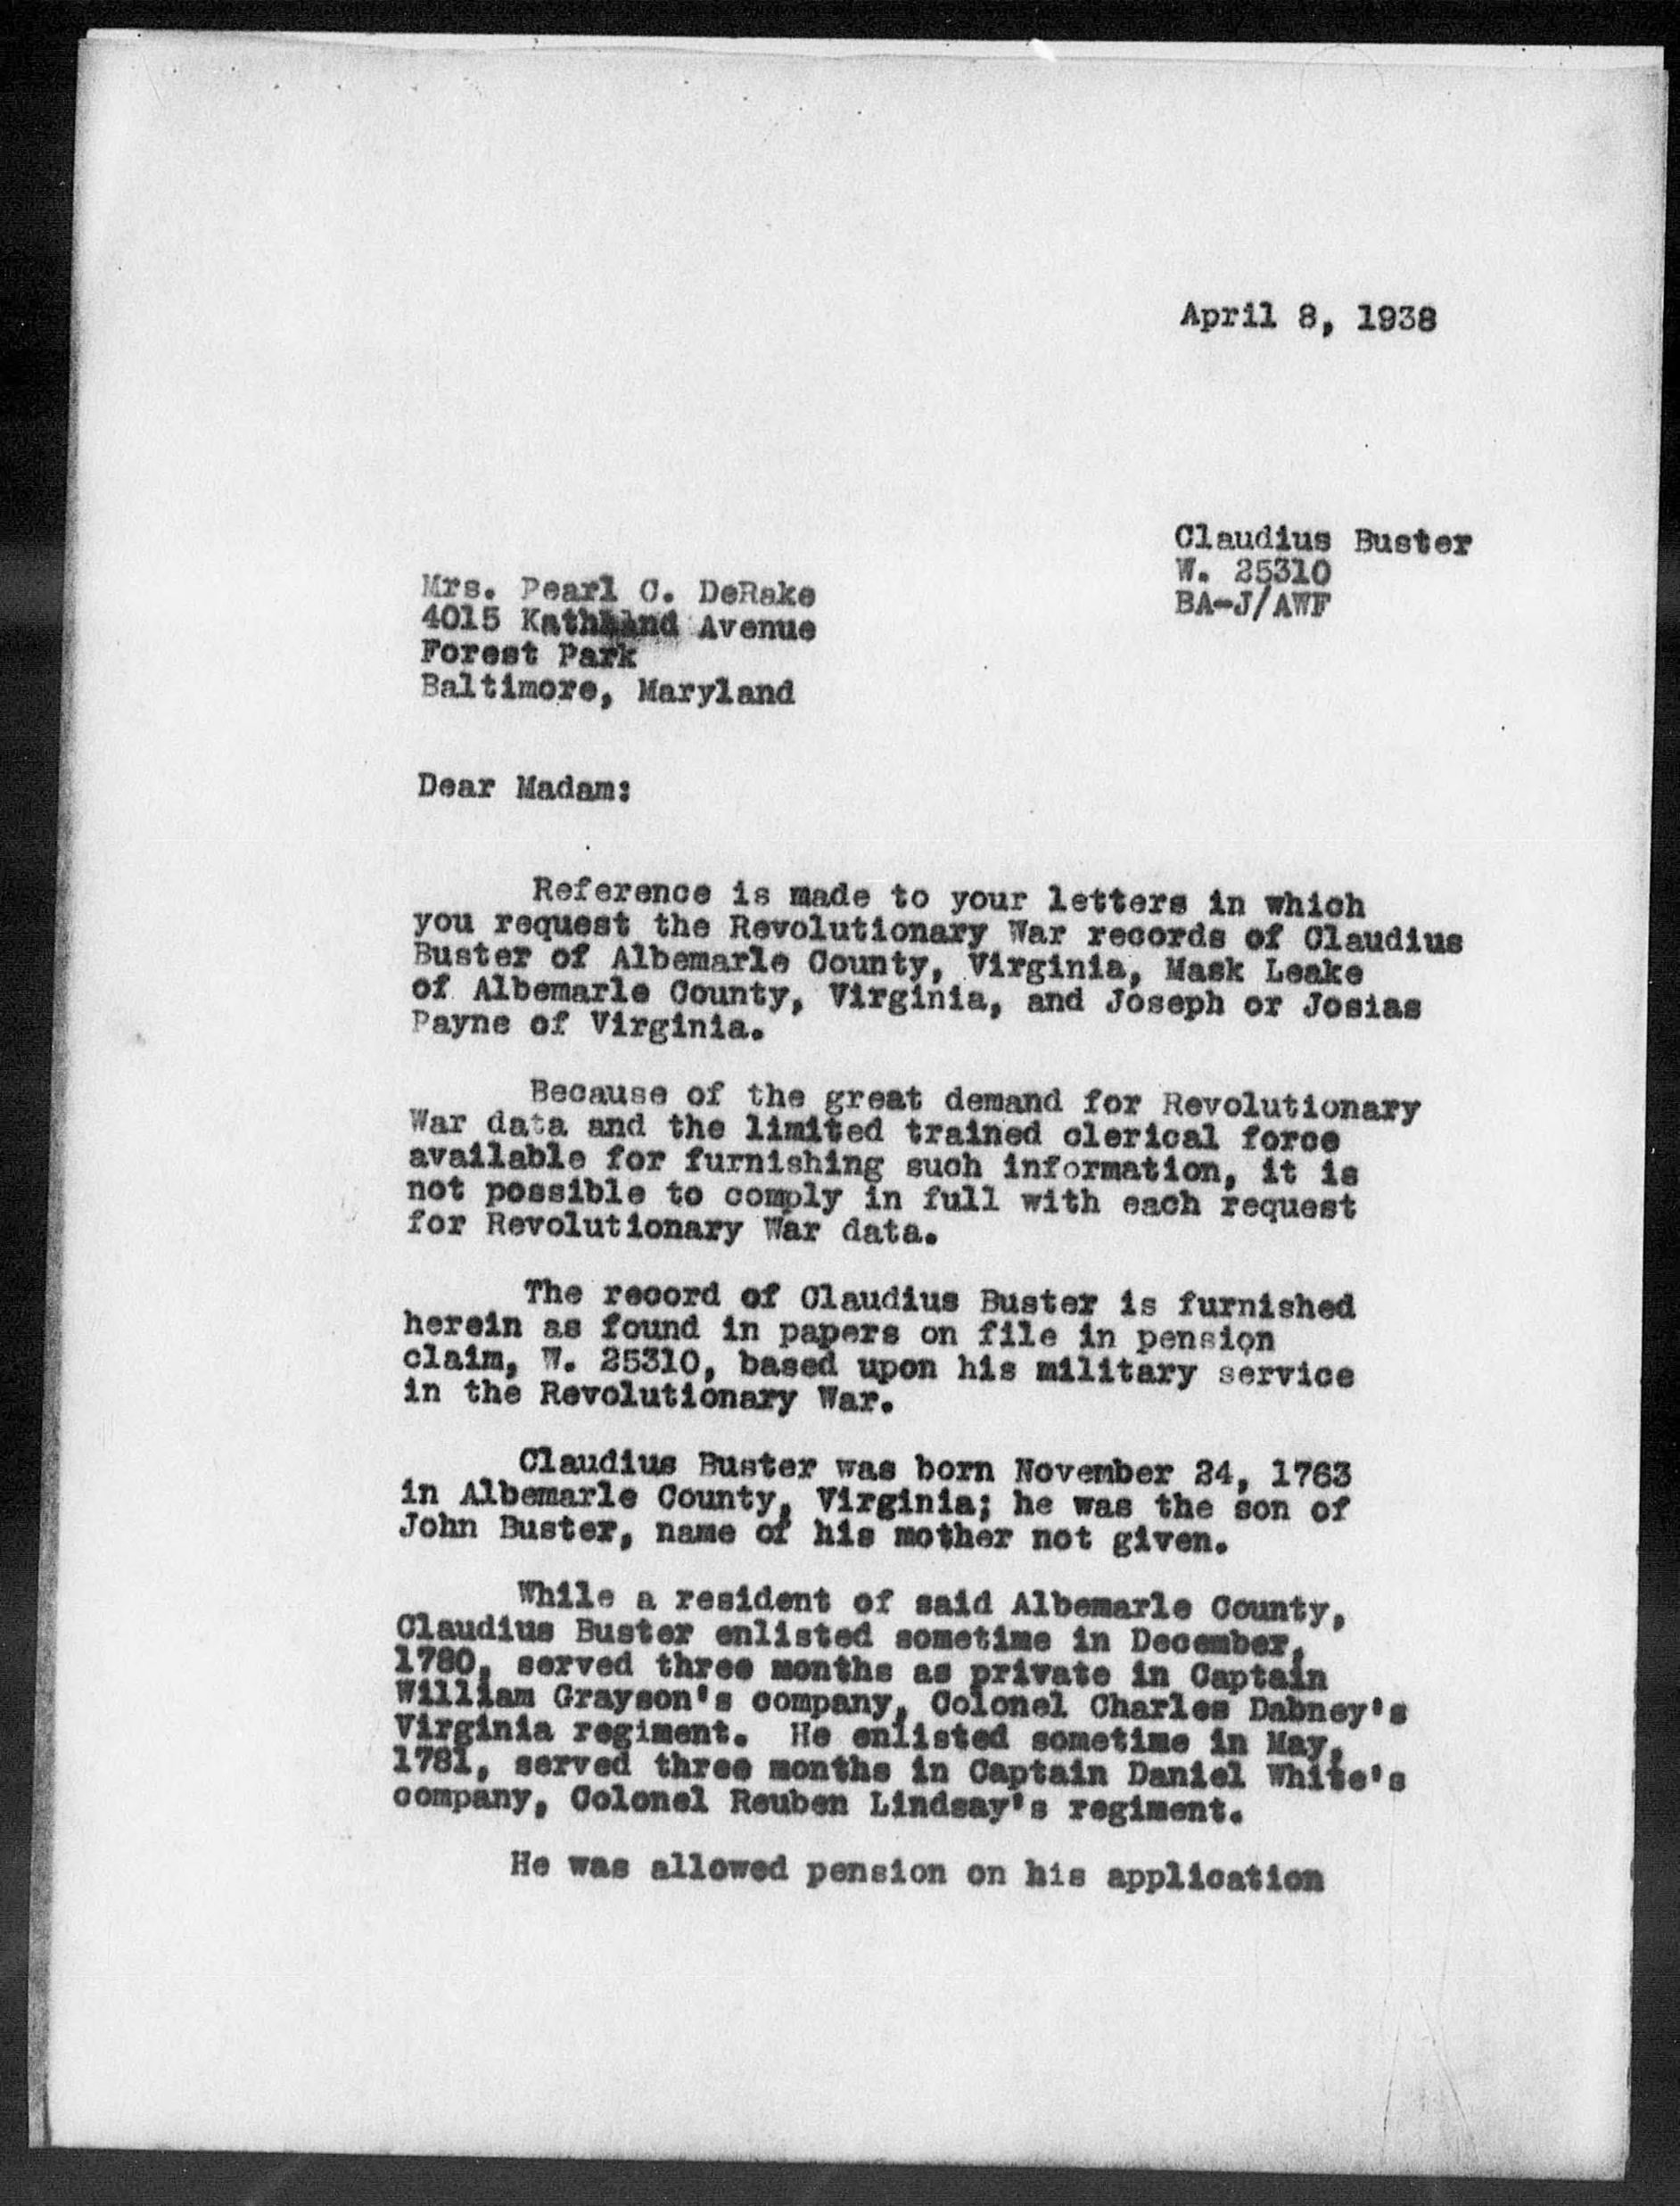April 8, 1938


Claudius Buster 
W. 25310 
BA-J/AWF 

Mrs. Pearl C. DeRake
4015 Kathland Avenue
Forest Park
Baltimore, Maryland

Dear Madam: 

Reference is made to your letters in which you request the Revolutionary War record of Claudius Buster of Albemarle County, Virgina, Mask Leake of Albemarle County, Virginia, and Joseph or Josias Payne of Virginia.

Because of the great demand for Revolutionary War data and the limited trained clerical force available for furnishing such information, it is not possible to comply in full with each request for Revolutionary War data.

The record of Claudius Buster is furnished herein as found in papers on file in pension claim, W. 25310, based upon his service in the Revolutionary War.

Claudius Buster was born November 24, 1763 in Albemarle County, Virginia; he was the son of John Buster, name of his mother not given.

While a resident of said Albemarle County, Claudius Buster enlisted sometime in December, 1780, served three months as private in Captain William Grayson's company, Colonel Charles Dabney's Virginia regiment. He enlisted sometime in May, 1781, served three months in Captain Daniel White's company, Colonel Reuben Lindsay's regiment.

He was allowed pension on his application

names: Claudius Buster, Claudius Buster, John Buster, Claudius Buster, Joseph Payne, Pearl C De Rake, Mask Leake, Josias Payne, Claudius Buster, Claudius Buster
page: 64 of 71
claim: widow's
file: W. 25310, Claudius Buster, Va.